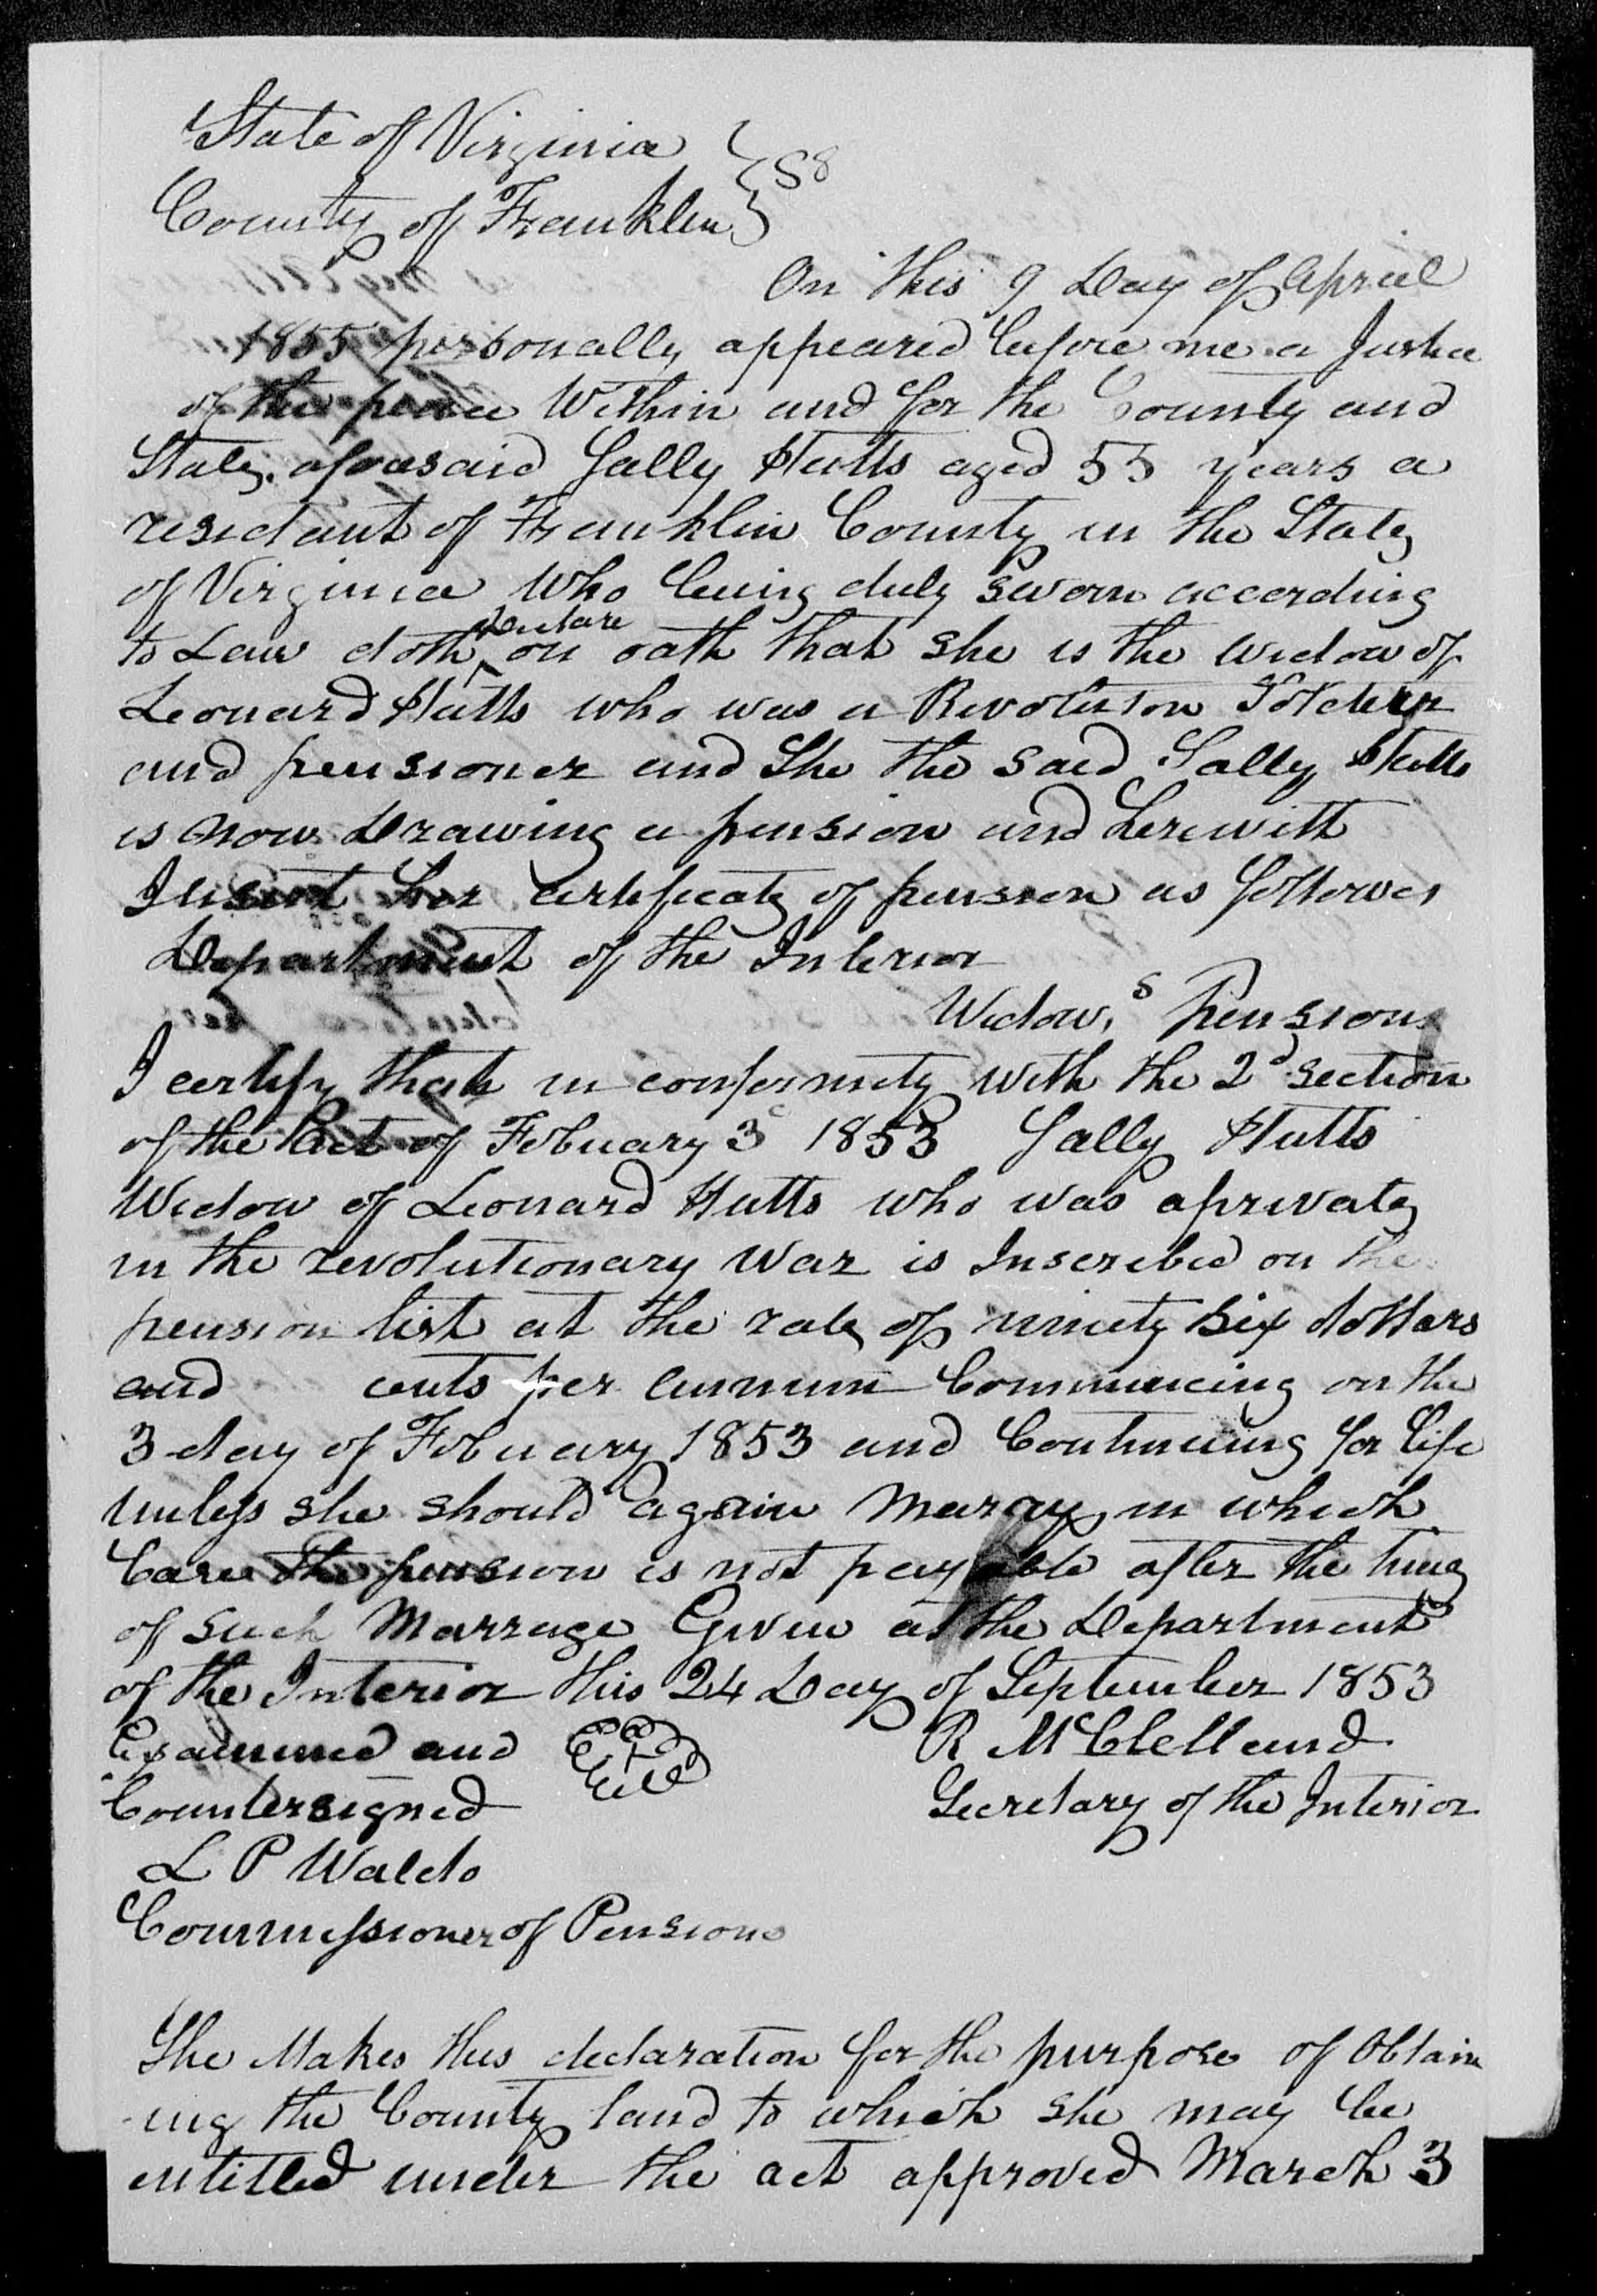State of Virginia}
County of Franklin}SS

On this 9 day of April 1855 personally appeared before me a Justice of the Peace within and for the county and state aforesaid Sally Hutts aged 55 years a resident of Franklin County in the State of Virginia who being duly sworn according to Law doth declare on oath that she is the widow of Leonard Hutts who was a Revolution Soldier and pensioner and she the said Sally Hutts is now drawing a pension and herewith present her certificate of pension as [Illegible] Department of the Interior.
[line was smudged out] Widows Pensions I certify that in conformity with the 2d Section of the Act of February 3 1853 Sally Hutts Widow of Leonard Hutts who was a private in the Revolutionary war is inscribed on the pension list at the rate of ninety six dollars and    cents per annum commencing on the 3 day of February 1853 and continuing for life unless she should again marry in which hereto pension is not payable after the timing of such marriage Given at the Department of the Interior this 24 day of September 1853
R McClelland
Secretary of the Interior
Examined and 
Countersigned [seal]
L. P. Waldo
Commissioner of Pensions

She makes this declaration for the purposes of obtaining the Bounty Land to which she may be entitled to under the act approved March 3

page: 9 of 33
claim: widow's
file: W. 550, for Leonard Hutts, Virginia